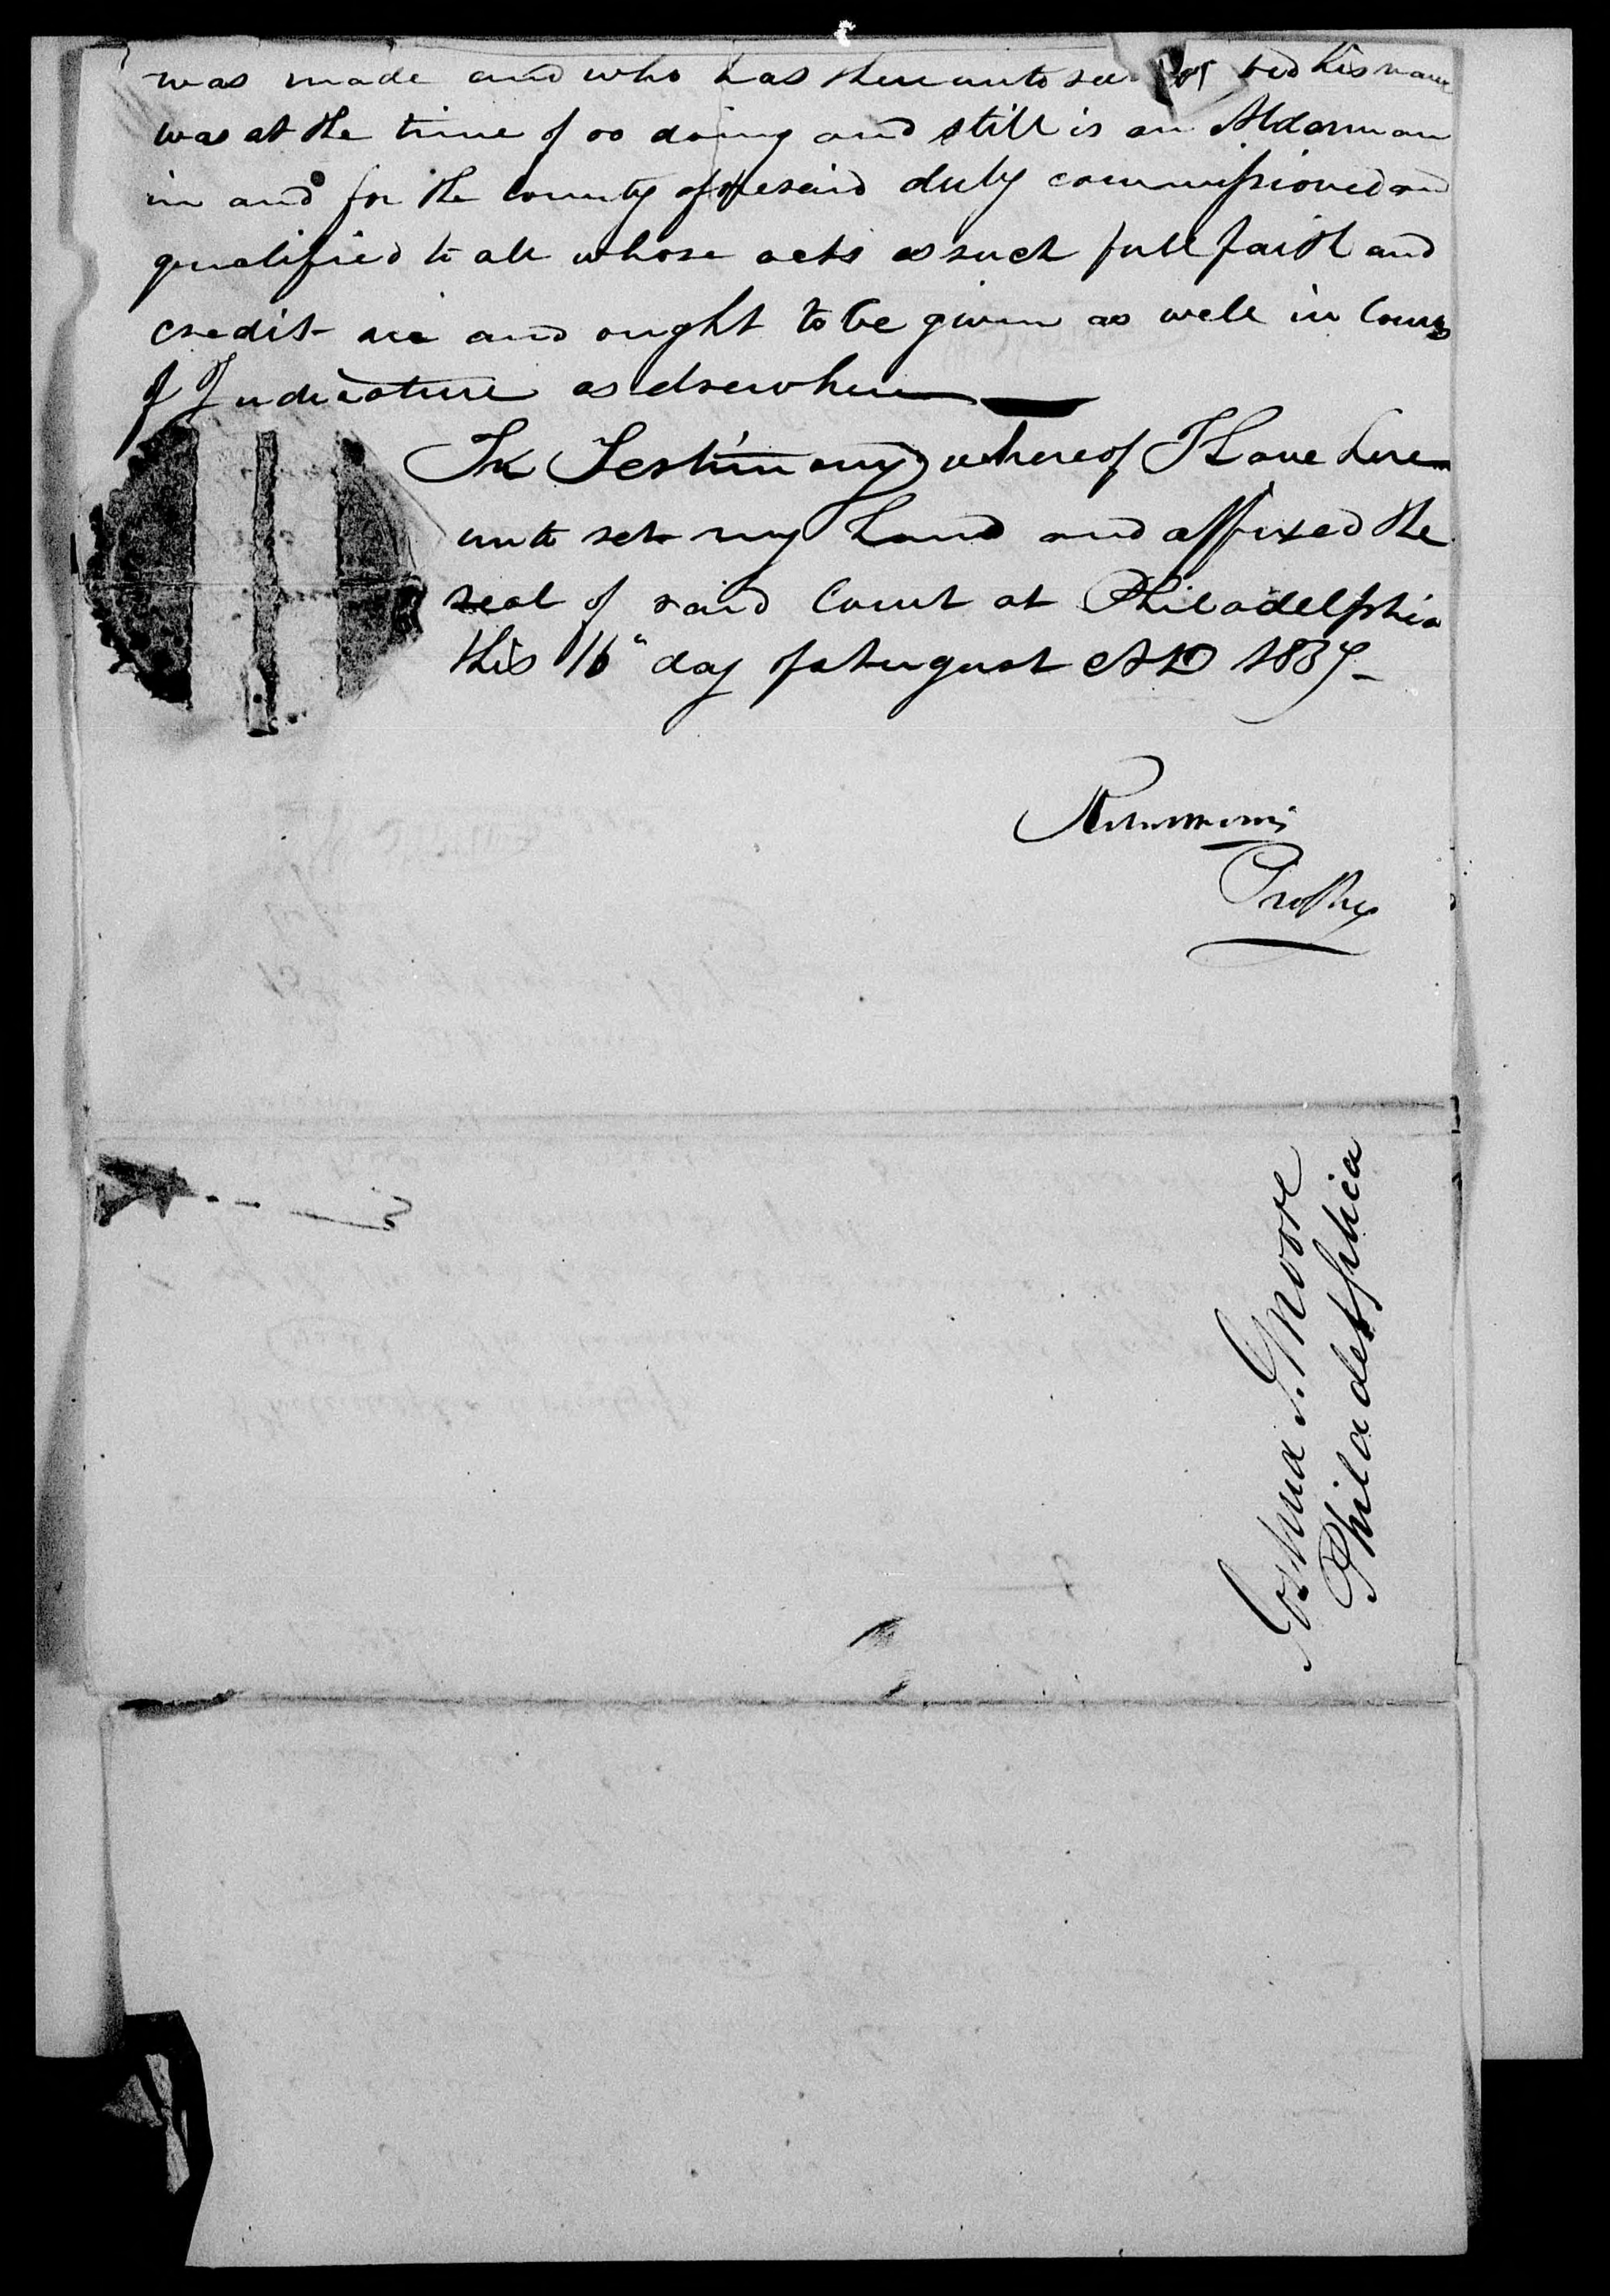was made and who has thereunto {illegible} his name was at the time of so doing and still is an Alderman in and for the County of the said duly commissioned and qualified to {illegible] whose acts as such full faith and credit are and ought to be given as well in Court of Judicature as elsewhere

In Testimony whereof I have here unto set my hand and affixed the seal of said Court of Philadelphia this 16th day of August AD 1834

Robert Morris
Prothy


Joshua Moore
Philadelphia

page: 72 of 86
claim: widow's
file: W. 3571, for David Marshall, Pennsylvania